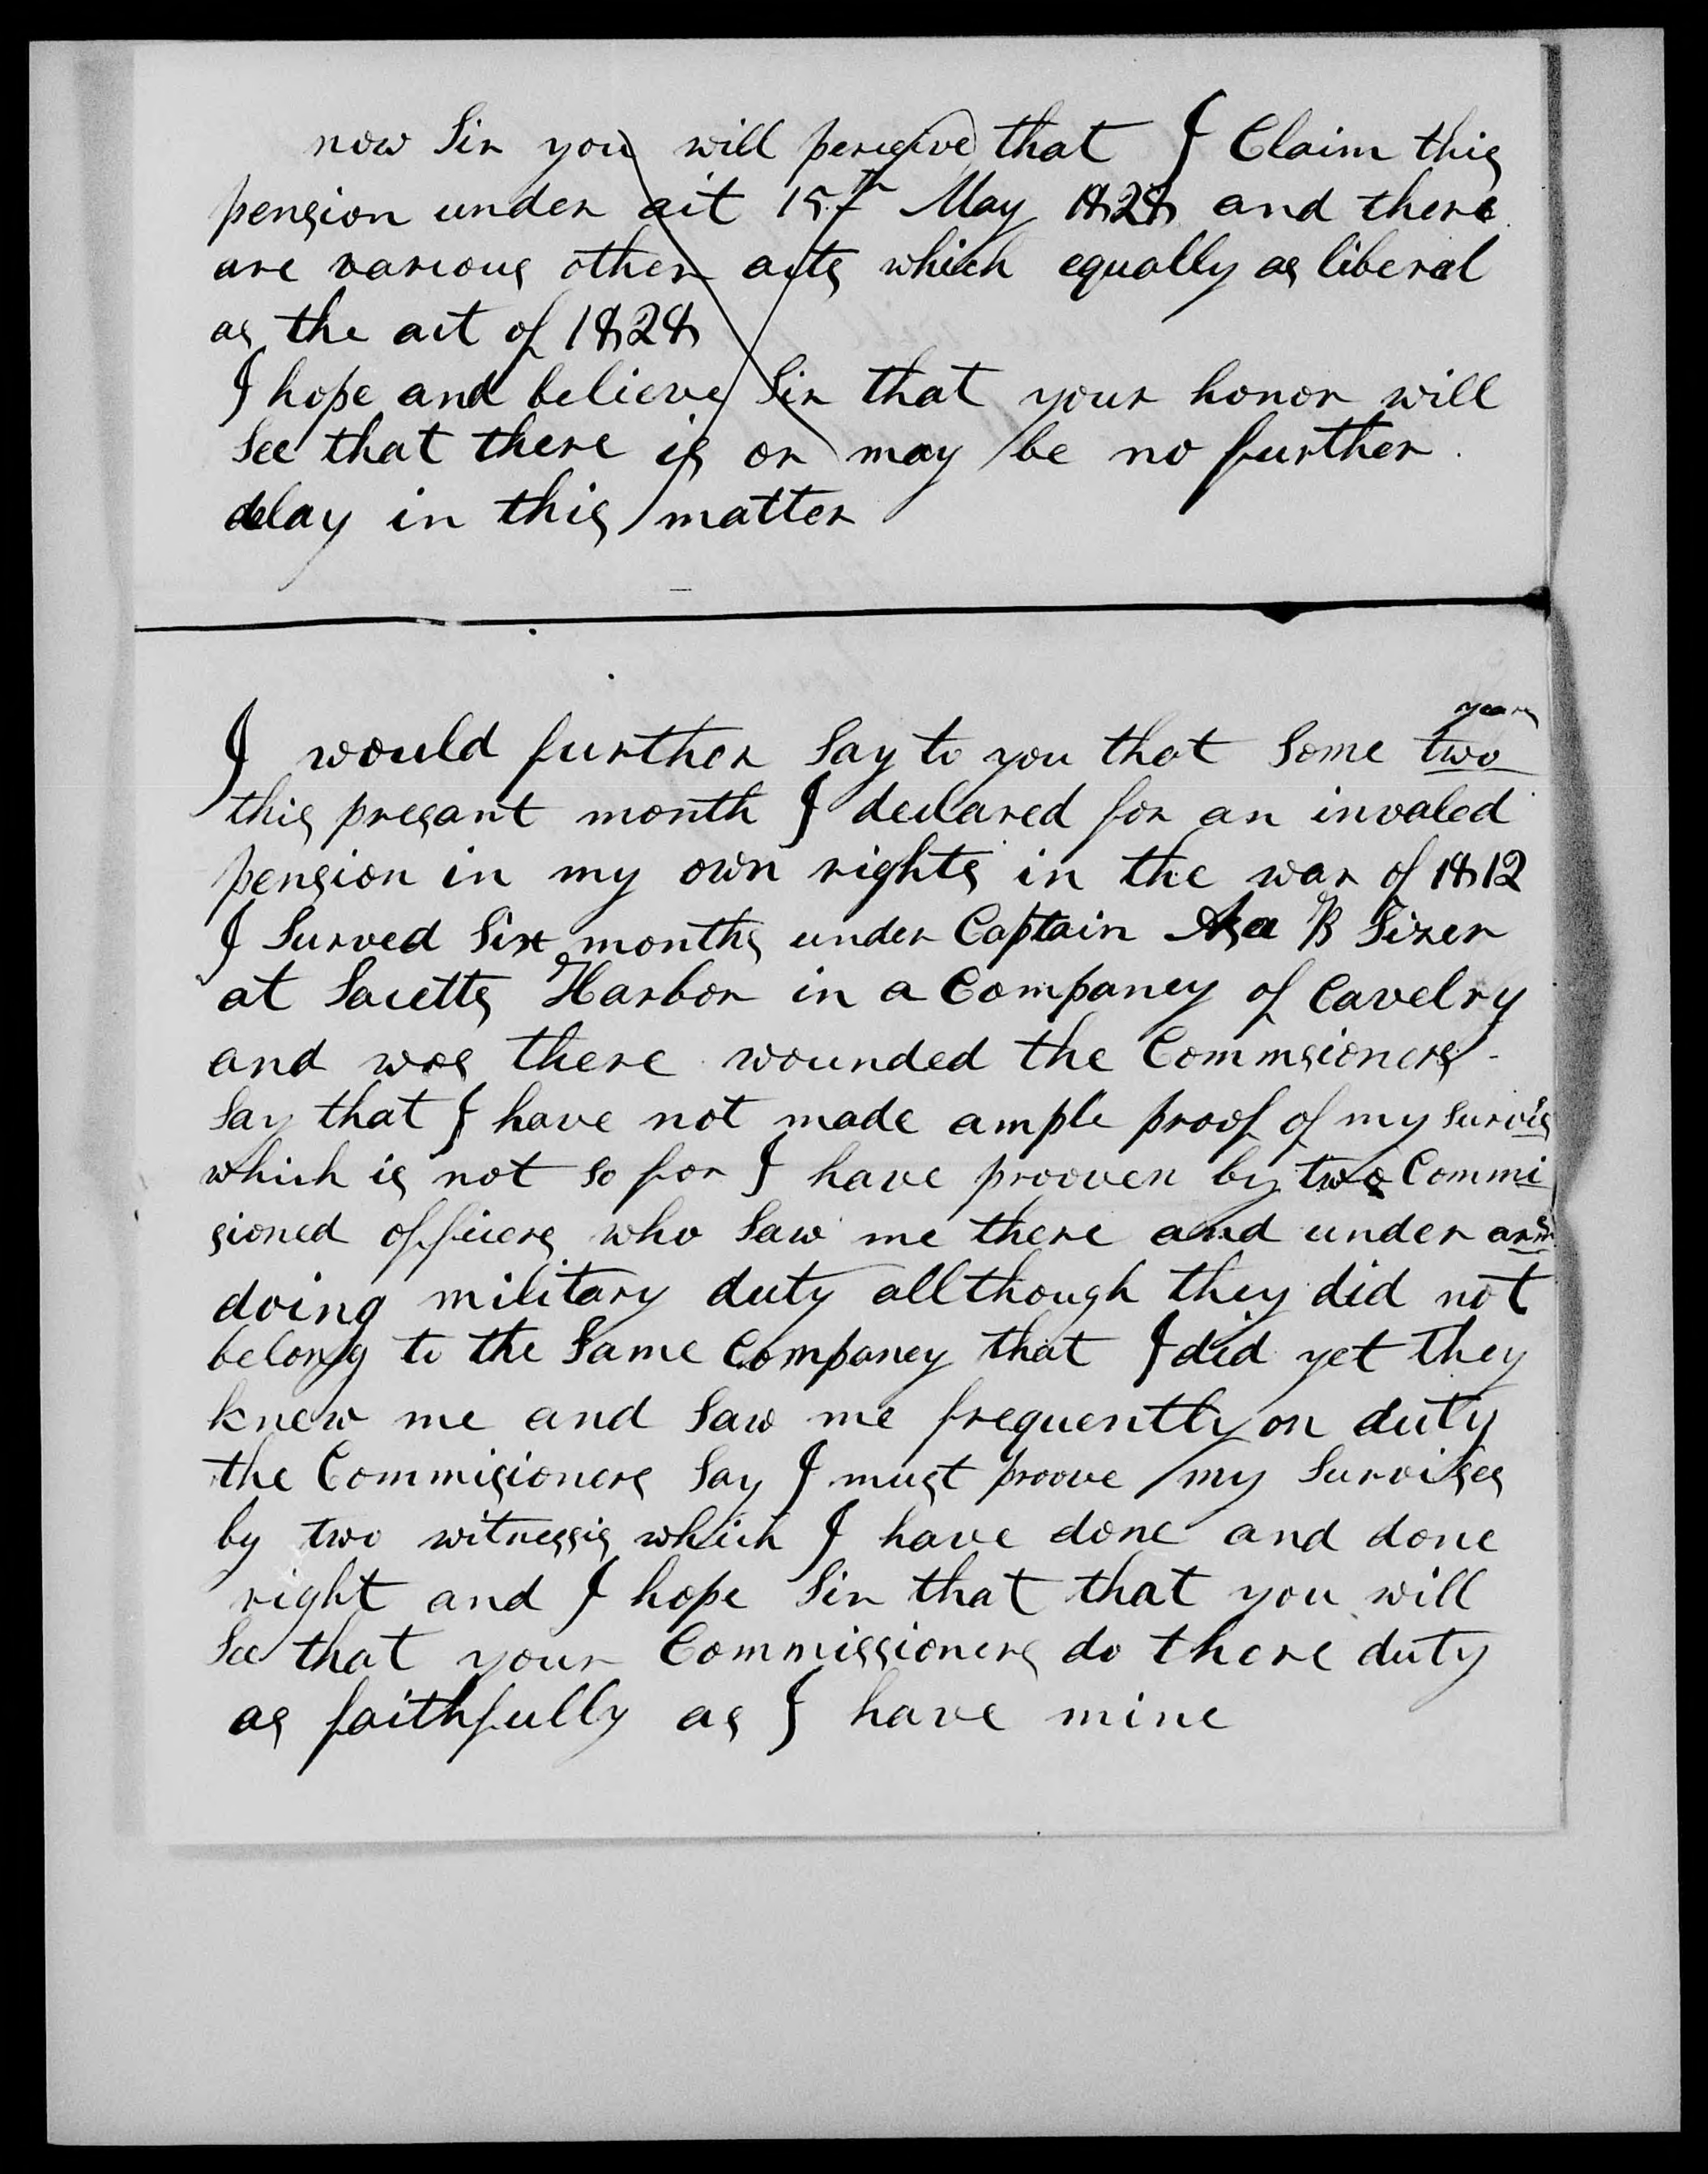Now Sir you will perceive that I Claim this pension under act 15th May 1828 and there are various other acts which equally as liberal as the act of 1828 
I hope and believe Sir that your honor will see that there is or may be no further delay in this matter 
I would further say to you that some two years this presant month I declared for an invaled pension in my own rights in the war of 1812 I surved six months under Captain Ada B Sizer at Sacetts Harbor in a Company of Cavelry and was there wounded the Commsioners say that I have not made ample proof of my survis which is not so for I have proven by two Commisioned officers who saw me there and under [illegible] doing military duty allthough they did not belong to the same company that I did yet they knew me and saw me frequently on duty the Commisioners say I must proove my Survises by two witnessis which I have done and done right and I hope Sir that that you will See that your Commissioners do there duty as faithfully as I have mine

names: Asa B Sizer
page: 31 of 44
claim: rejected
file: R. 17,033, for Joseph Perkins, New York